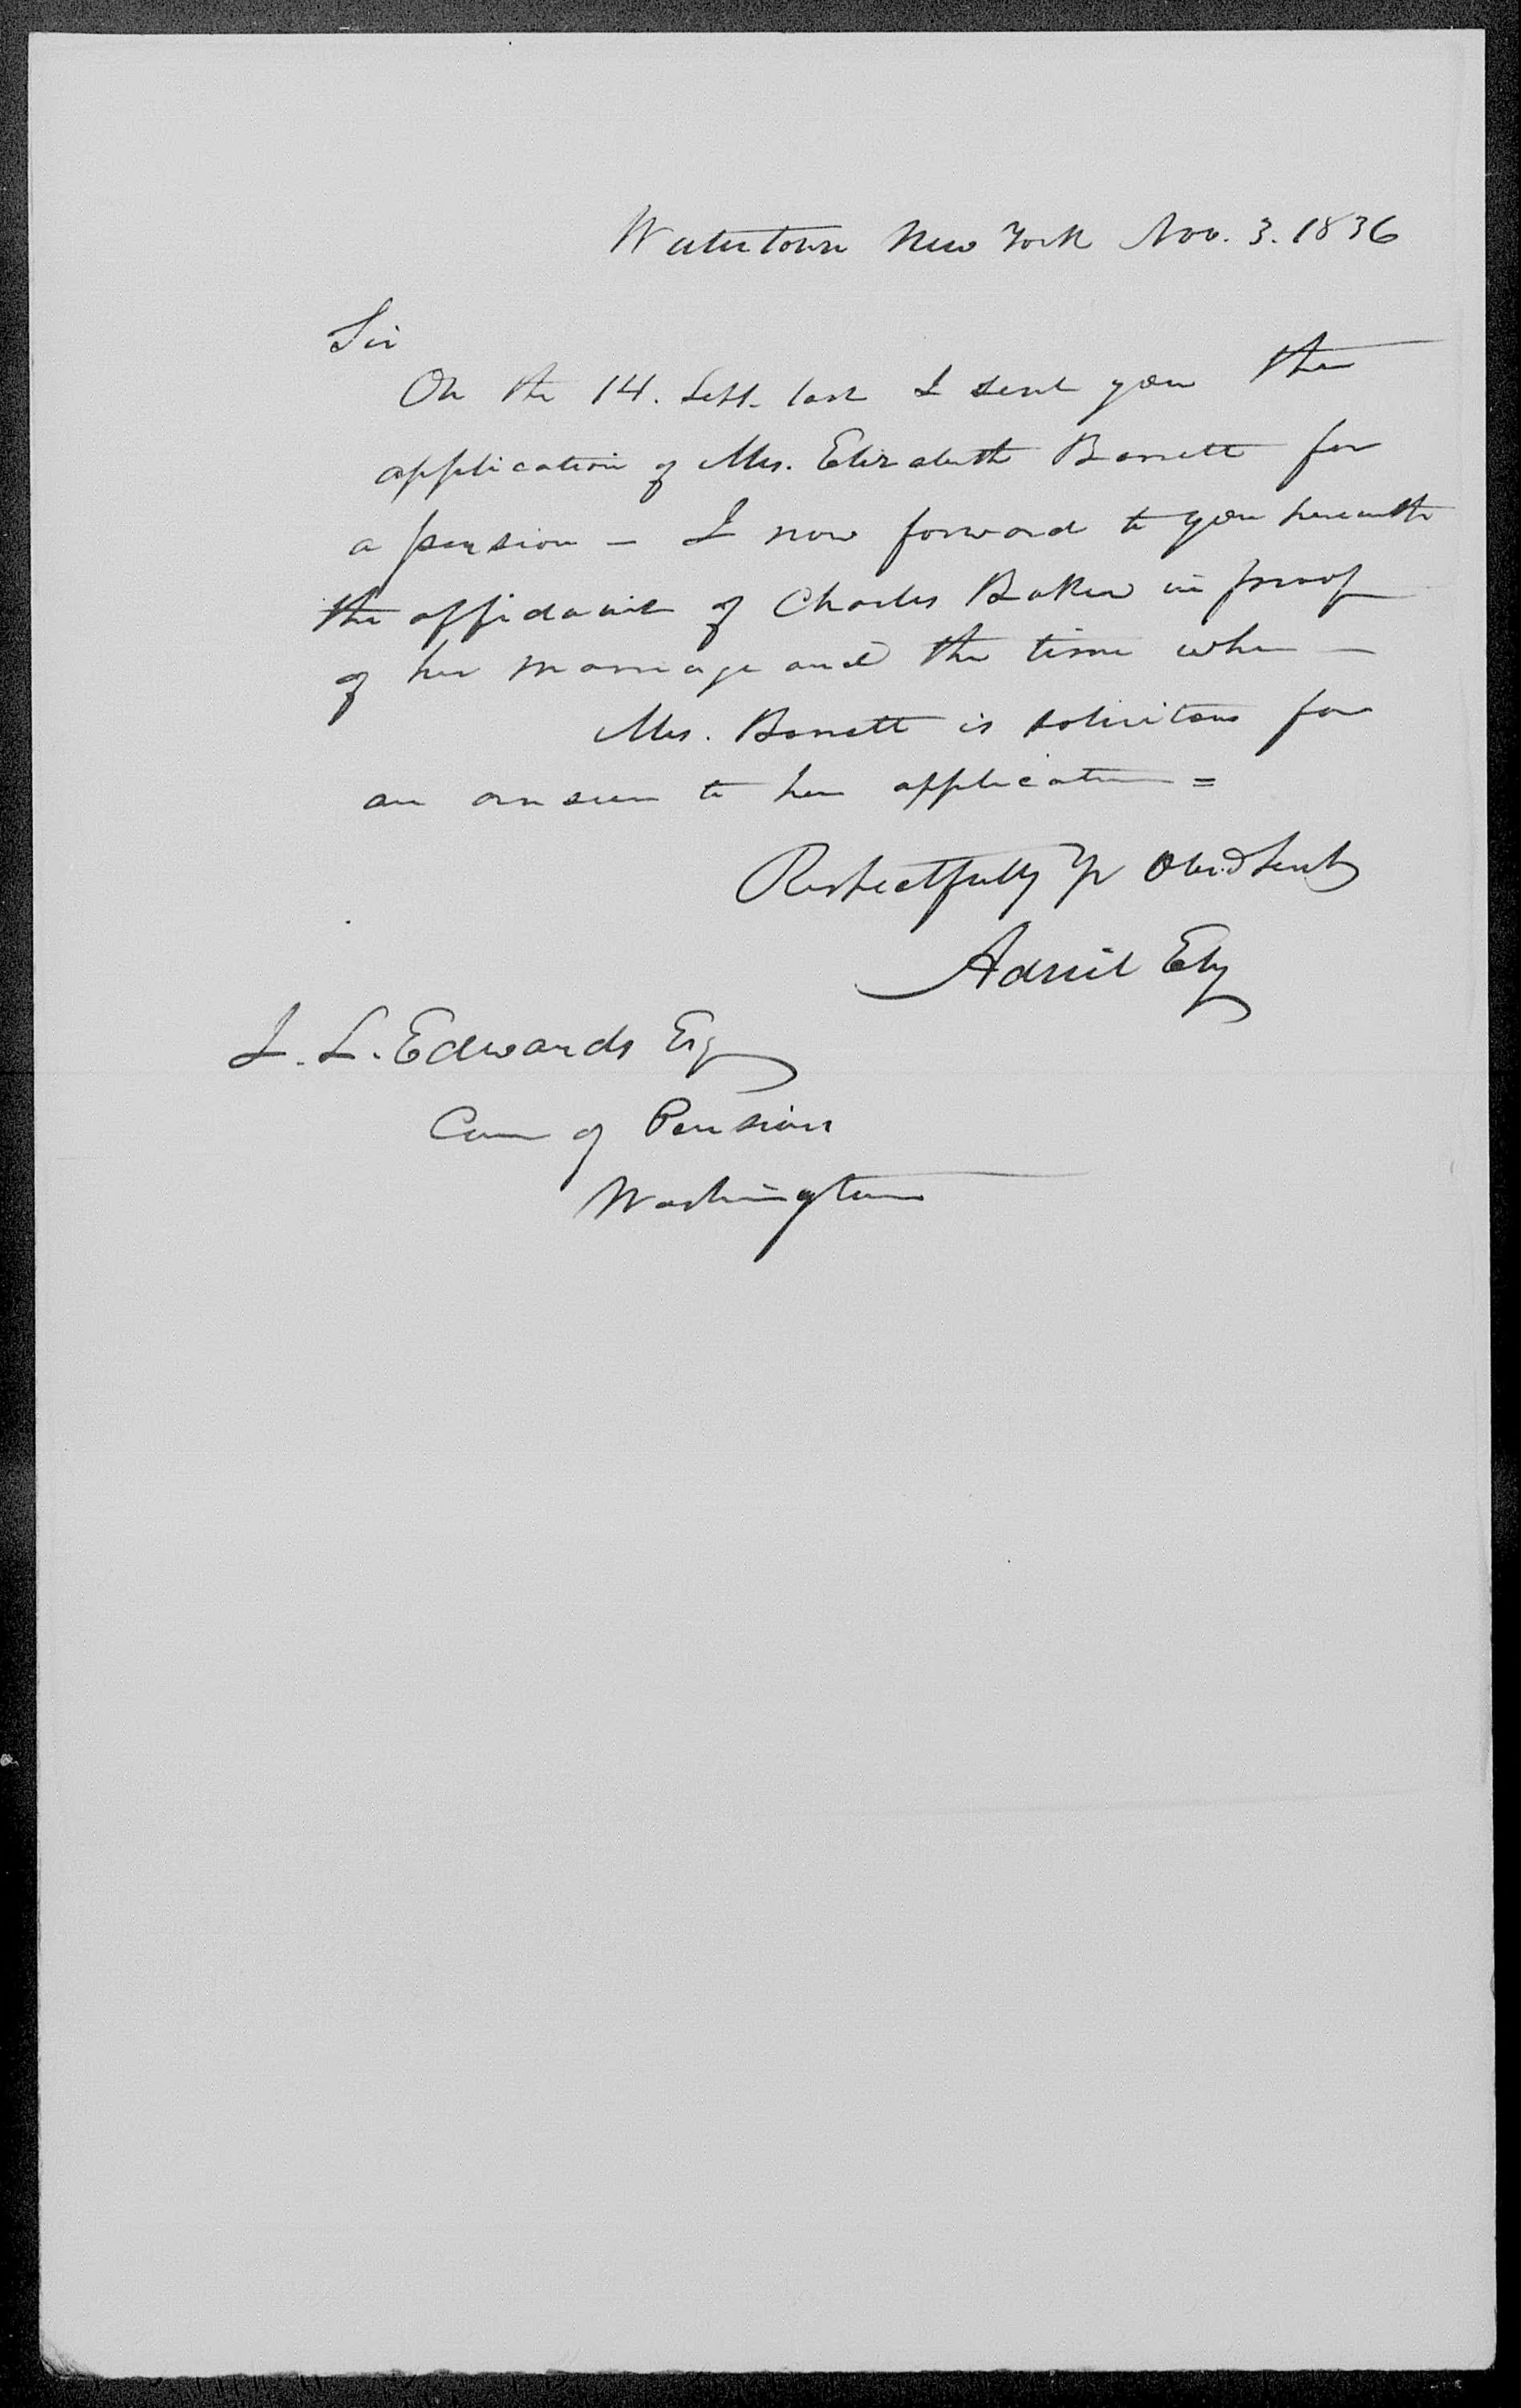Watertown New York Nov 3 1836

Sir
On the 14 Sept. last I sent you the application of Mrs. Elizabeth Barrett for a pension. I now forward to you herewith the affidavit of Charles Baker in proof of his marriage and the time when. 
Mrs Barrett is solicitous for a sum of her application 
Respectfully yr obed servt
Adriel Esq

J.L. Edwards Esq
Comm of Pensions
Washington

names: J L Edwards, Barrett, Adriel Eby, Elizabeth Barrett, Charles Baker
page: 66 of 83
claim: widow's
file: W. 10,384, Oliver Barrett, Continental (Vt.) N.Y.